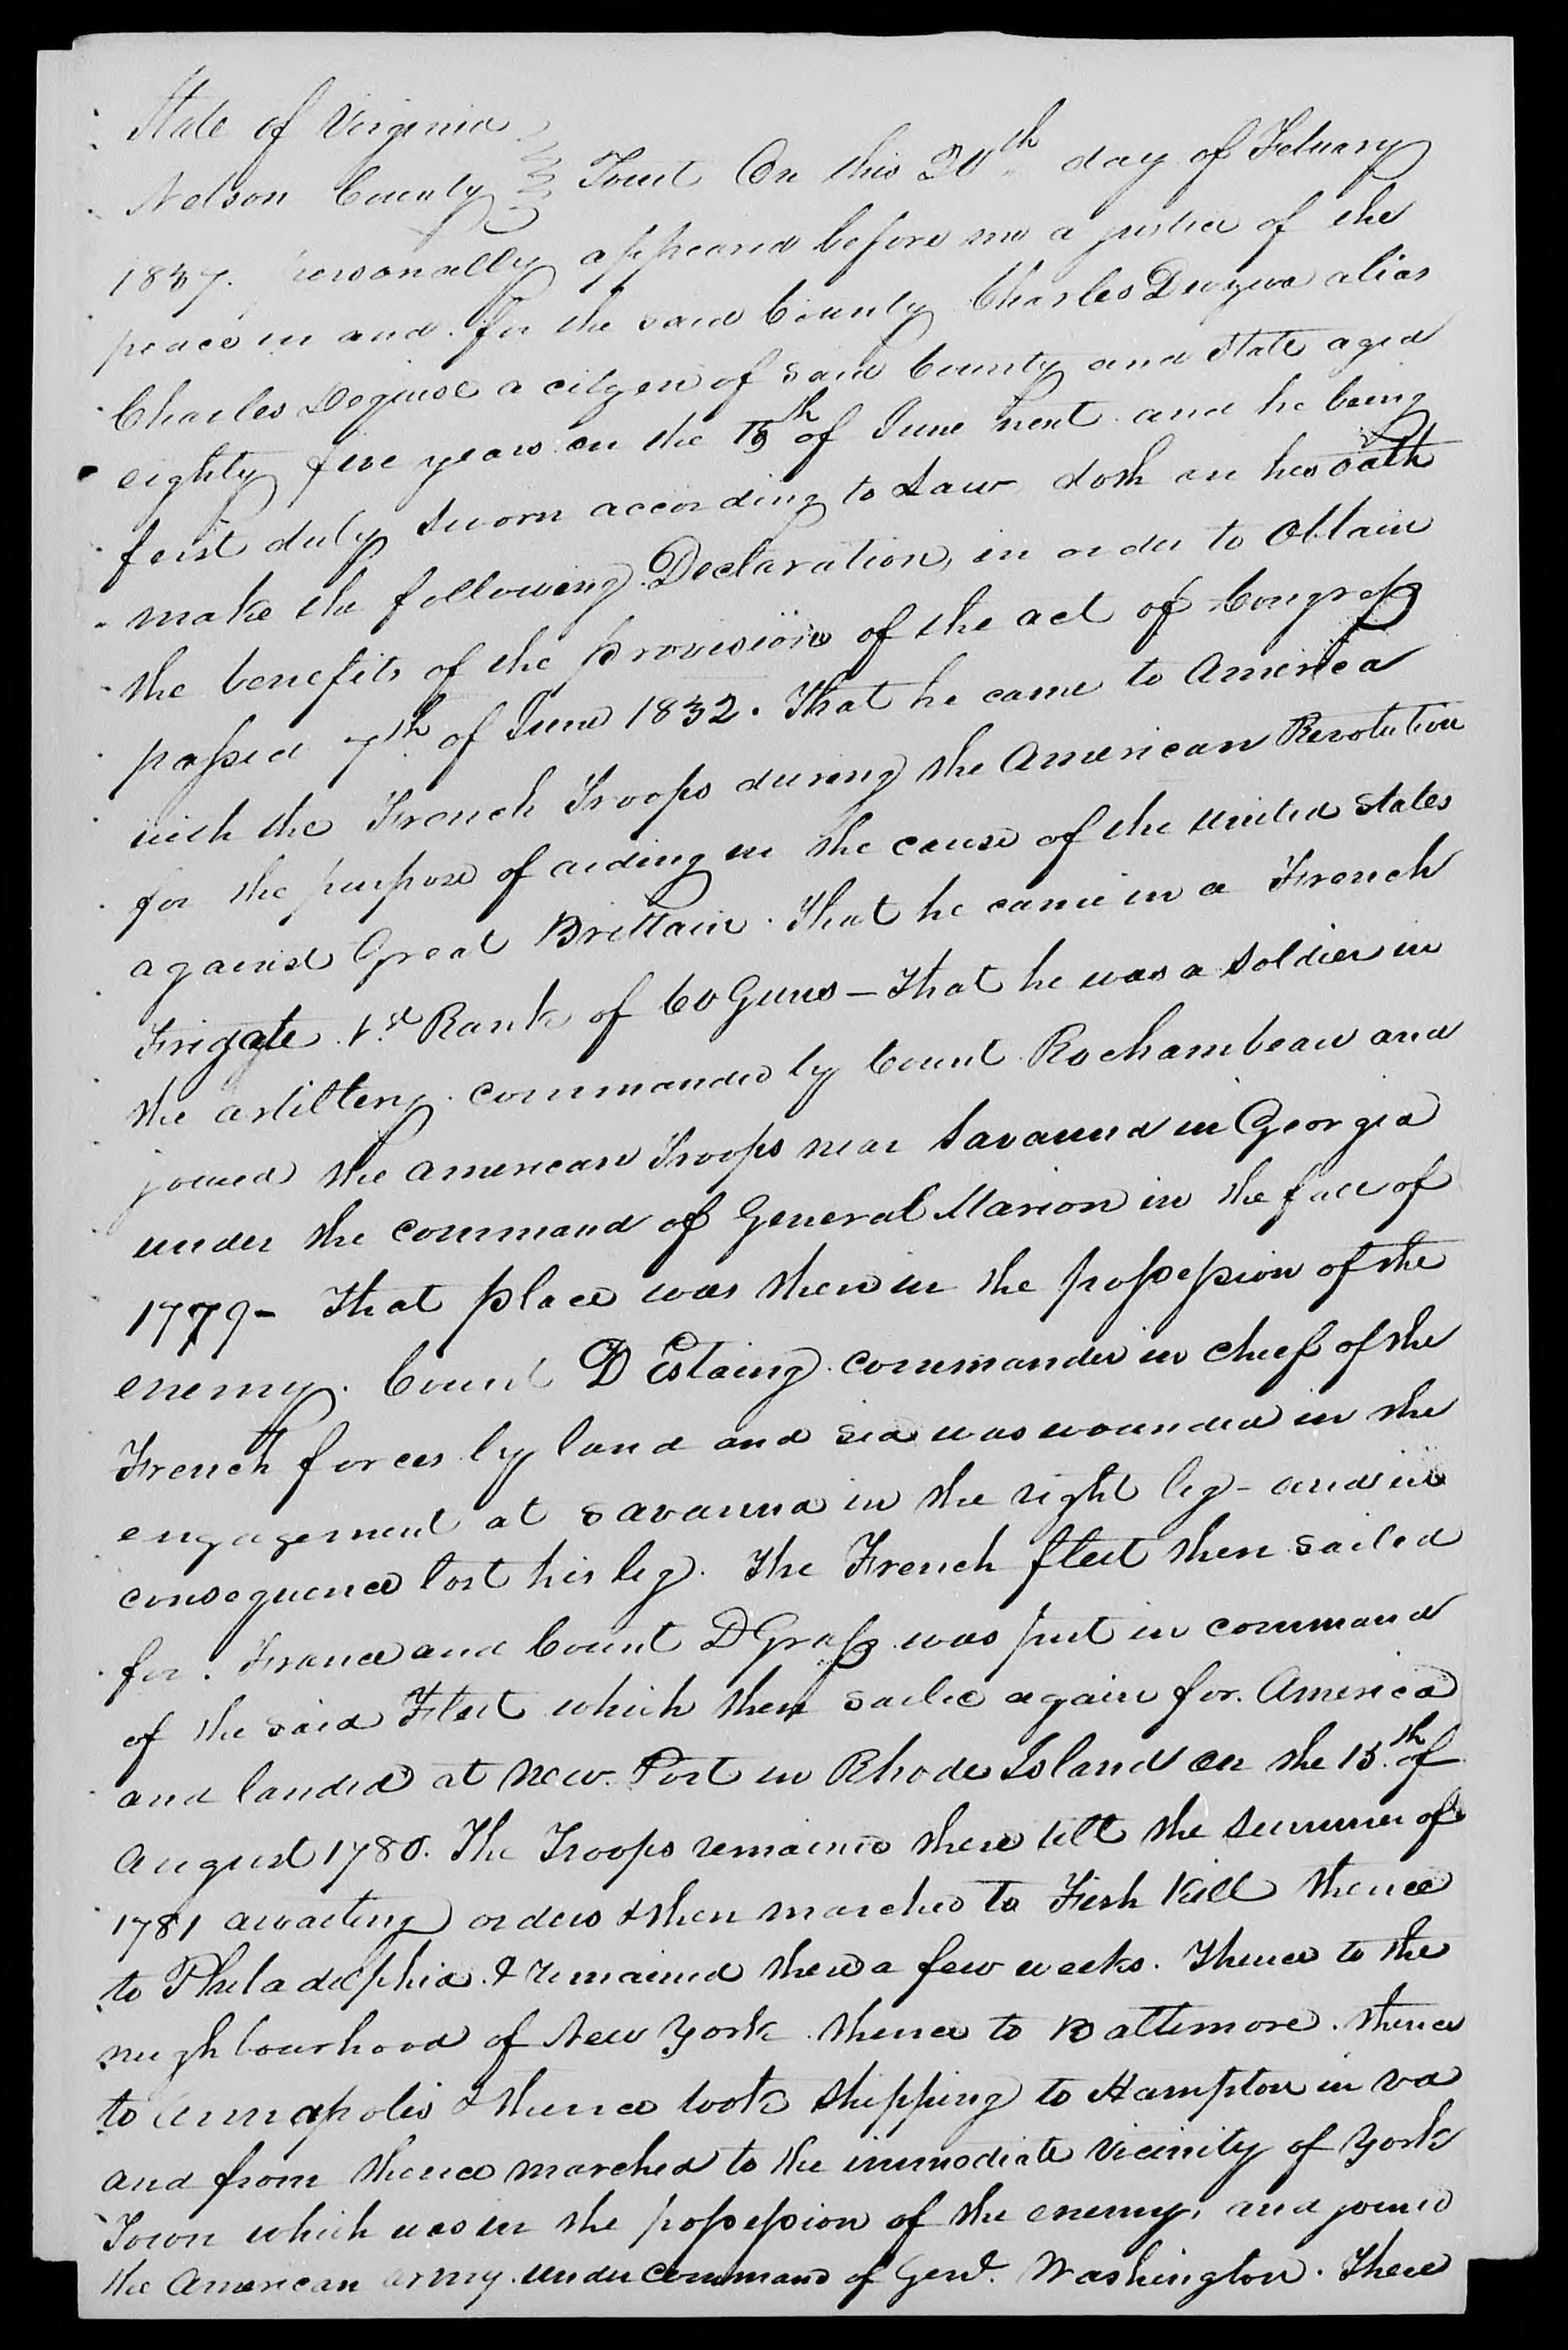State of Virginia    }
Nelson County      } Towits  On this 20th day of February 1837, personally appeared before me a justice of the peace in and for the said County, Charles Duzua alias Charles Dequise a citizen of said County and State aged eighty five years on the 15th of June [illegible] and he being first duly sworn according to law doth on his oath make the following Declaration in order to obtain the benefits of the provisions of the act of Congress passed 7th of June 1832.  That he came to America with the French Troops during the American Revolution for the purpose of aiding in the cause of the United States against Great Britain.  That he came in a French Frigate [illegible] Bank of 60 guns -- that he was a soldier in the artillery commanded by Count Rochambeau and joined the American Troops near Savannah in Georgia under the command of General Marion in the fall of 1779 - That place was shown in the possession of the enemy.  Count D'Estaing commander in chief of the French forces by land and sea was wounded in the engagement at Savannah in the right leg and as consequence lost his leg.  The French fleet then sailed for France and Count DGrass was first in command of the said Fleet which then sailed again for America and landed at New Port in Rhode Island on the 13th of August 1780.  The Troops remained there till the summer of 1781 awaiting orders & then marched to Fish Kill thence to Philadelphia & remained there a few weeks.  Thence to the neighborhood of New York thence to Baltimore thence to Annapolis & thence took shipping to Hampton in Va and from thence marched to the immediate vicinity of York Town which was in the possession of the enemy and joined the American army under command of Genl. Washington.  There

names: Marion, Charles Duezwa, Washington, Charles Doquise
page: 17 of 21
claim: rejected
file: R. 2,896, Charles Duzua, French